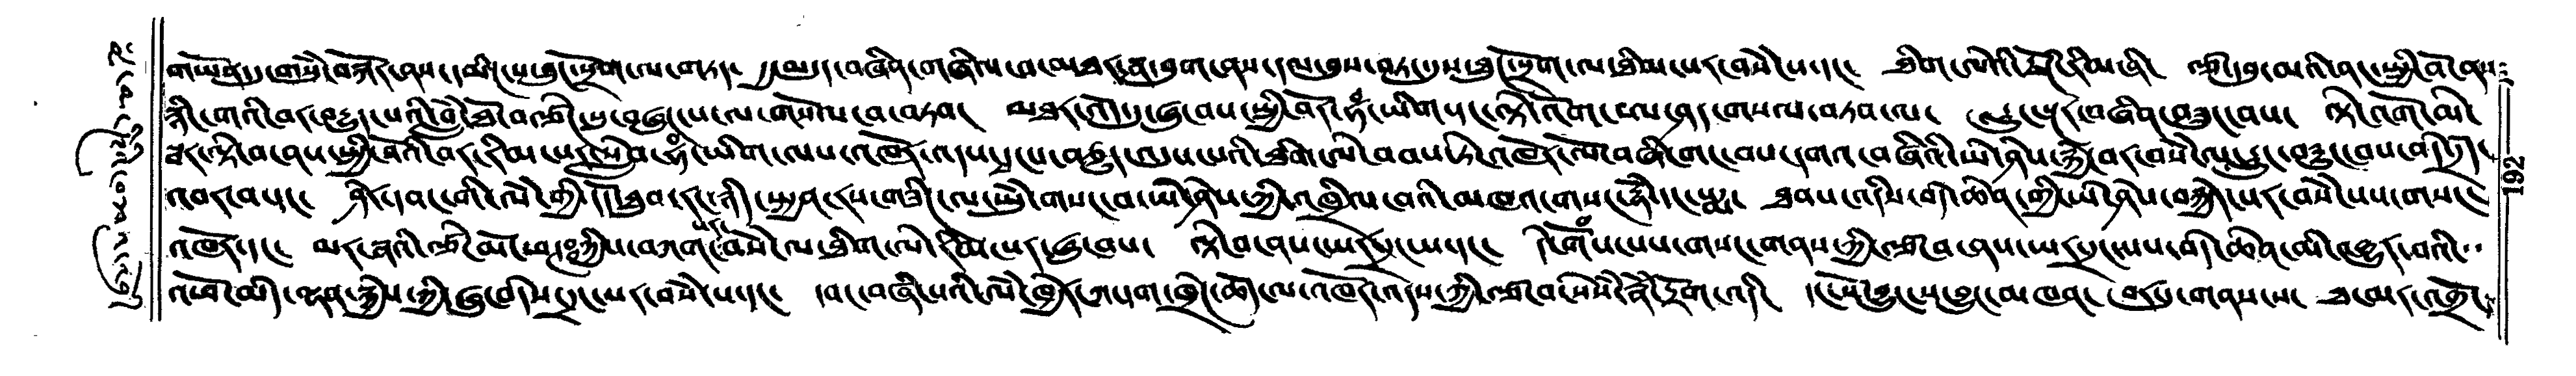གཡོན་དུ་གསུམ་བསྐོར་ནས། དམིགས་པ་ཐུགས་སྲོག་ལ་གཏད། རྒྱ་མདུད་བཞིན་གཞིལ་བ་མཐར་སྣ་བུག་ནས་དལ་བུས་བཏང་དུས་ཐུགས་སྲོག་ལ་ཐིམ་པར་བསམ་པ་དང་། ཐིག་ལེའི་རྫོགས་རིམ་ནི། རྩ་དབུ་མའི་ནང་སྤྱི་བོ་ནས་
སྙིང་གའི་བར་བརྒྱུད་པའི་བླ་མ་ཐོ་བརྩེགས་སུ་བཞུགས་པ་ལ་གསོལ་བ་གདབ། མཐར་འོད་དུ་ཞུ་བས་སྤྱི་བོར་ཧཾ་ཡིག་དང་ལྟེ་འོག་ཨ་ཤད་གསལ་གདབ་ལ། རླུང་སྔར་བཞིན་བཟུང་བས། ལྟེ་འོག་གི་མེ་
སྦར་ལྟེ་བ་ནས་སྤྱི་བོའི་བར་རིམ་པར་སླེབ། ཧཾ་ཡིག་ལས་འཁོར་འདས་དྭངས་བཅུད་འདུས་པའི་ཐིག་ལེ་བབས་ཏེ་འཁོར་ལོ་བཞི་གང་བས་དགའ་བཞིའི་ཡེ་ཤེས་སྐྱེ་བར་བསམ་ལ་རླུང་བཟུང་བས་བདེ་དྲོད་
འབར་བ་དང་། ཤེར་དབང་གི་ལམ་གྱི་དོད་ཐུབ་རང་ཉིད་སྤྱན་རས་གཟིགས་ལ་ཡུམ་གསང་བ་ཡེ་ཤེས་ཀྱི་འཁྲིལ་བའི་མཁའ་གསང་རྡོ་རྗེ་དང་པདྨ། ཐབས་འདིས་བདེ་ཆེན་གྱི་ཡེ་ཤེས་བསྐྱེད་པར་བསམ་པས་གསང་
འཁོར་དང་། མར་སྣའི་རྩེ་མོ་ཕཊཿཀྱིས་བཀག་པར་བསམ་ལ་ཐིག་ལེ་རིམ་པར་ཞུ་བས། ལྟེ་བ་ནས་ཡར་དྲངས་པ་དང་། དེ་གོམས་པས་གསང་གནས་ཀྱི་རྩ་བ་ནས་ཡར་དྲངས་པས་བདེ་ཆེན་མི་འགྱུར་བའི་
འཕོ་མེད་ལྷན་སྐྱེས་ཀྱི་ཞུ་བདེས་དྲངས་པར་བསམ་པ་དང་། དབང་བཞི་པའི་ལམ་ཁྱེར་ཀ་དག་ཁྲེགས་ཆོད་ལ་འཁོར་འདས་ཀྱི་རྩ་བ་སེམས་རྣམ་རྟོག་འདི། དང་པོ་བྱུང་ས་བྱུང་མཁན། བར་དུ་གནས་ས། ཐ་མར་འགྲོ་